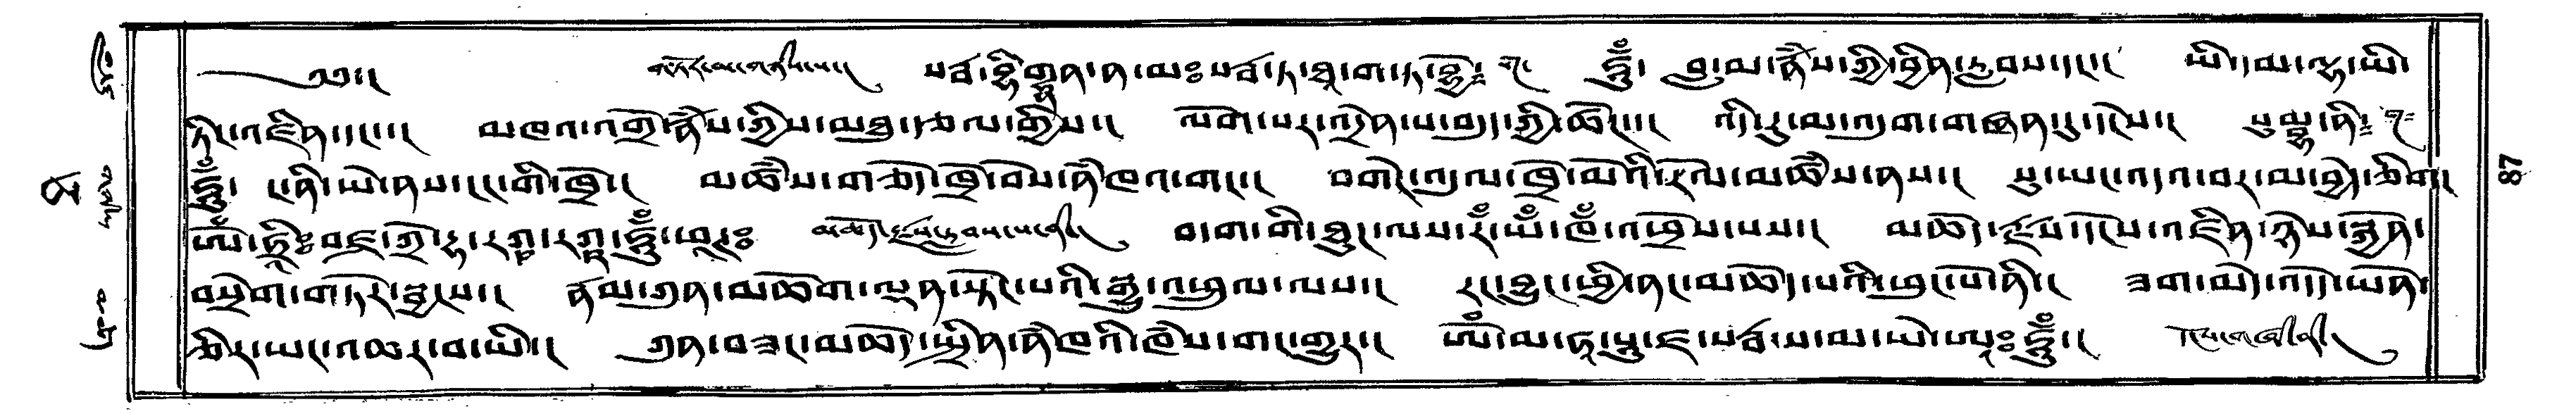གཏོར་མ་གཉིས་པ། སརྦ་བྷིགྷྣན་ན་མཿསརྦ་ཏ་ཐཱ་ག་ཏ་བྷྱོ༴ སོགས། ཧཱུྃ། བླ་མ་རྣམས་ཀྱི་བྱིན་རླབས་དང་། །ཡི་དམ་ལྷ་ཡི་
ཏིང་འཛིན་དང་། །མཁའ་འགྲོ་རྣམས་ཀྱི་མཐུ་རྩལ་གྱིས། །ལོག་པར་འདྲེན་པ་བདུད་ཀྱི་ཚོགས། །འདི་རུ་མ་འདུག་གཞན་དུ་དེངས། ། སུམྦྷ་ནི༴ སོགས། 
ཧཱུྃ། ང་ནི་ཡེ་ནས་ངང་གི་ཁྲོ། །མཚམས་གཅོད་ཁྲོ་བོས་ནམ་མཁའ་གང་། །བགེགས་འདུལ་ཁྲོ་མོའི་རོལ་མཚམས་ནས། །སུ་ཡང་འདའ་བར་མ་བྱེད་ཅིག 
ཨོཾ་ཧྲཱིཿབཛྲ་ཀྲོ་དྷ་རཀྵ་རཀྵ་ཧཱུྃ་ཕཊ་ཕཊཿ མཆོད་རྫས་རློབ་པ་ནི། བདག་གི་ཐུགས་ལས་རྃ་ཡྃ་ཁྃ་འཕྲོས་པས། །མཆོད་རྫས་དངོས་འཛིན་ཉེས་སྐྱོན་
བསྲེག་གཏོར་སྦྱང་། ། རྣམ་ཀུན་མཆོག་ལྡན་སྟོང་པའི་སྒྱུ་འཕྲུལ་ལས། །རང་བྱུང་ཕྱི་ནང་མཆོད་པའི་ཕུང་པོ་ནི། །ཟག་མེད་འདོད་ཡོན་
ཅིར་ཡང་འཆར་བ་ཡི། །ཀུན་བཟང་མཆོད་སྤྲིན་ནམ་མཁའི་ཁམས་གང་གྱུར། །ཨོཾ་མ་ཧཱ་པཱུ་ཛ་སརྦ་ས་མ་ཡེ་ཨཱཿཧཱུྃ། དངོས་གཞི་ནི།